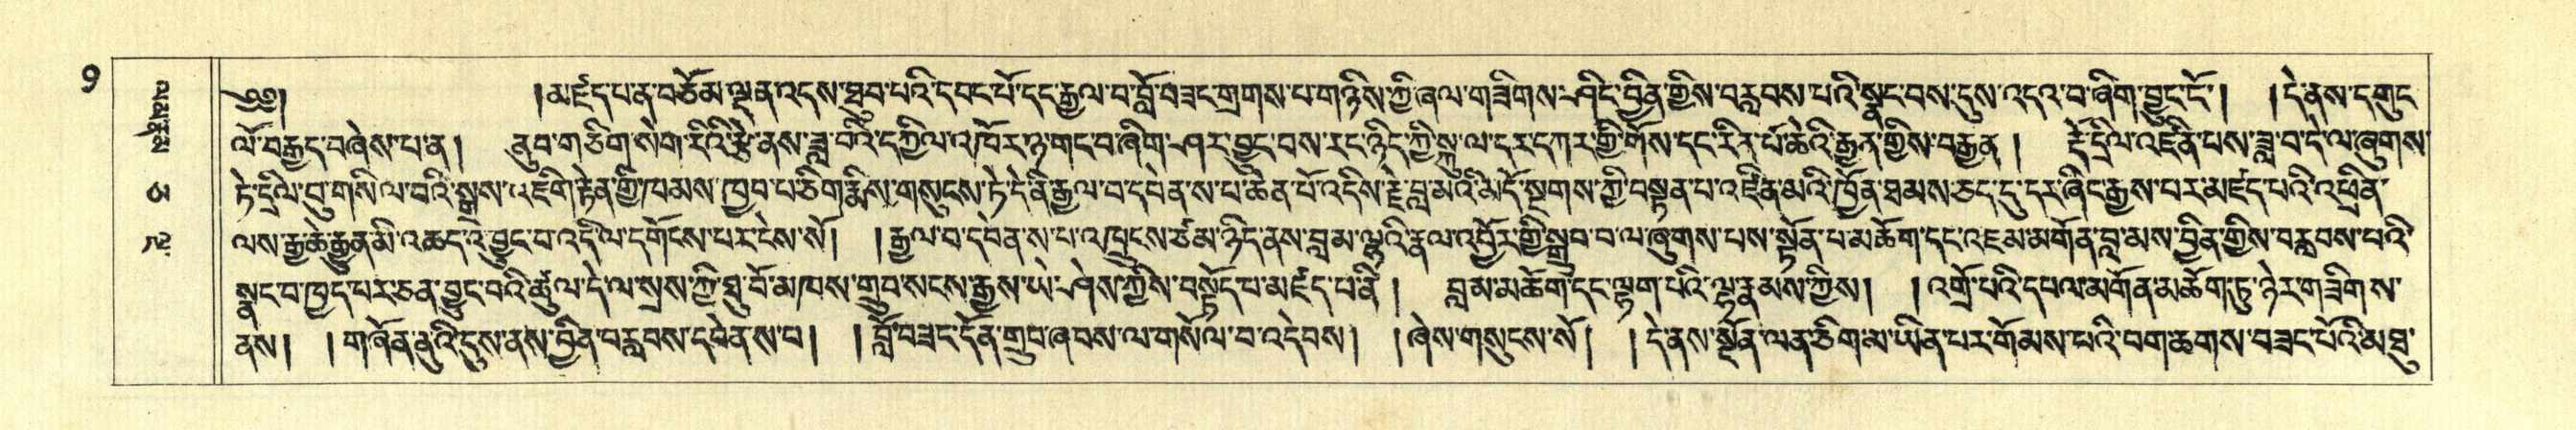༄༅། །མཛད་པ་ན་བཅོམ་ལྡན་འདས་ཐུབ་པའི་དབང་པོ་དང་རྒྱལ་བ་བློ་བཟང་གྲགས་པ་གཉིས་ཀྱི་ཞལ་གཟིགས་ཤིང་བྱིན་གྱིས་བརླབས་པའི་སྣང་བས་དུས་འདའ་བ་ཞིག་བྱུང་ངོ། །དེ་ནས་དགུང་
ལོ་བརྒྱད་བཞེས་པ་ན། ནུབ་གཅིག་སེག་རིའི་རྩེ་ནས་ཟླ་བའི་དཀྱིལ་འཁོར་ཉ་གང་བ་ཞིག་ཤར་བྱུང་བས་རང་ཉིད་ཀྱི་སྐུ་ལ་དར་དཀར་གྱི་གོས་དང་རིན་པོ་ཆེའི་རྒྱན་གྱིས་བརྒྱན། རྡོ་དྲིལ་འཛིན་པས་ཟླ་བ་དེ་ལ་ཞུགས་
ཏེ་དྲིལ་བུ་གསིལ་བའི་སྒྲས་འཇིག་རྟེན་གྱི་ཁམས་ཁྱབ་པ་ཅིག་རྨིས་གསུངས་ཏེ་དེ་ནི་རྒྱལ་བ་དབེན་ས་པ་ཆེན་པོ་འདིས་རྗེ་བླ་མའི་མདོ་སྔགས་ཀྱི་བསྟན་པ་འཛིན་མའི་ཁྱོན་ཐམས་ཅད་དུ་དར་ཞིང་རྒྱས་པར་མཛད་པའི་འཕྲིན་
ལས་རྒྱ་ཆེ་རྒྱུན་མི་འཆད་འབྱུང་པ་འདི་ལ་དགོངས་པར་ངེས་སོ། །རྒྱལ་བ་དབེན་ས་པ་འཁྲུངས་ཙམ་ཉིད་ནས་བླ་མ་ལྷའི་རྣལ་འབྱོར་གྱི་སྒྲུབ་པ་ལ་ཞུགས་པས་སྟོན་པ་མཆོག་དང་འཇམ་མགོན་བླ་མས་བྱིན་གྱིས་བརླབས་པའི་
སྣང་བ་ཁྱད་པར་ཅན་བྱུང་བའི་ཚུལ་དེ་ལ་སྲས་ཀྱི་ཐུ་བོ་མཁས་གྲུབ་སངས་རྒྱས་ཡེ་ཤེས་ཀྱིས་བསྟོད་པ་མཛད་པ་ནི། བླ་མ་མཆོག་དང་ལྷག་པའི་ལྷ་རྣམས་ཀྱིས། །འགྲོ་པའི་དཔལ་མགོན་མཆོག་ཏུ་ཉེར་གཟིགས་
ནས། །གཞོན་ནུའི་དུས་ནས་བྱིན་བརླབས་དབེན་ས་པ། །བློ་བཟང་དོན་གྲུབ་ཞབས་ལ་གསོལ་བ་འདེབས། །ཞེས་གསུངས་སོ། །དེ་ནས་སྔོན་ལན་ཅིག་མ་ཡིན་པར་གོམས་པའི་བག་ཆགས་བཟང་པོའི་མཐུ་